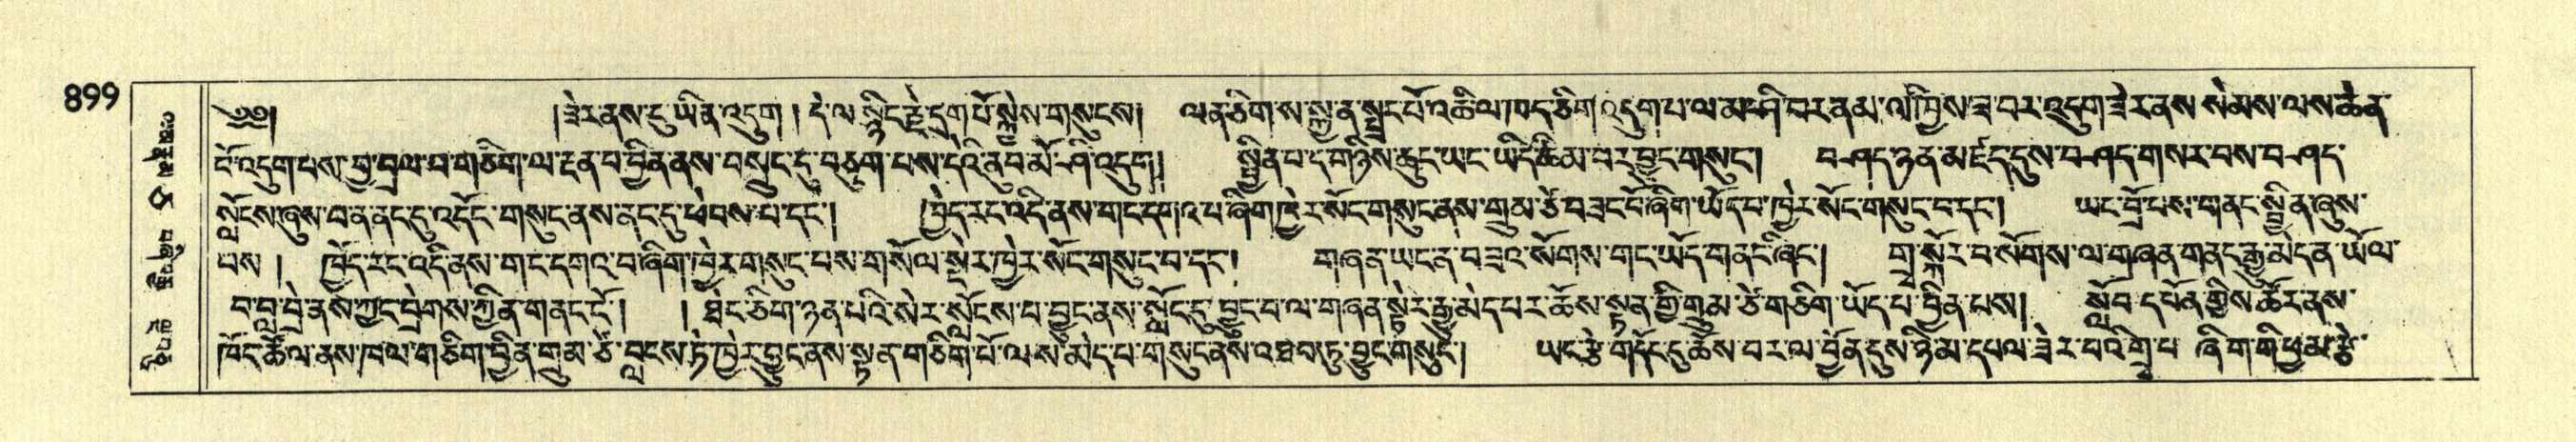༄༅། །ཟེར་ནས་དུ་ཡིན་འདུག །དེ་ལ་སྙིང་རྗེ་དྲག་པོ་སྐྱེས་གསུངས། ལན་ཅིག་ས་སྐྱ་ན་སྤྲང་པོ་འཆི་ལ་ཁད་ཅིག་འདུག་པ་ལ་མ་ཤི་བར་ནམ་ལ་ཁྱིས་ཟ་བར་འདུག་ཟེར་ནས་སེམས་ལས་ཆེན་
པོ་འདུག་པས་བྱ་བྲལ་བ་གཅིག་ལ་རྔན་པ་བྱིན་ནས་བསྲུང་དུ་བཅུག་པས་དེའི་ནུབ་མོ་ཤི་འདུག། སྤྱིན་པ་ད་གཉིས་ཆུང་ཡང་ཡིད་ཚིམ་བར་བྱུང་གསུང་། བཤད་ཉན་མཛད་དུས་བཤད་གསར་བས་བཤད་
སློངས་ཞུས་བ་ན་ནང་དུ་འདོང་གསུང་ནས་ནང་དུ་ཕེབས་པ་དང་། ཁྱེད་རང་འདི་ནས་གང་དགའ་པ་ཞིག་ཁྱེར་སོང་གསུང་ནས་གྲུམ་ཙེ་བཟང་པོ་ཞིག་ཡོད་པ་ཁྱེར་སོང་གསུང་བ་དང་། ཡང་བྲོ་པས་གནང་སྦྱིན་ཞུས་
པས། ཁྱོད་རང་འདི་ནས་གང་དགའ་བ་ཞིག་ཁྱེར་གསུང་པས་གསོལ་སྡེར་ཁྱེར་སོང་གསུང་བ་དང་། གཞན་ཡང་ན་བཟའ་སོགས་གང་ཡོད་གནང་ཞིང་། གྲྭ་སྐོར་བ་སོགས་ལ་གཞན་གནང་རྒྱུ་མེད་ན་ཡོལ་
བ་བླ་བྲེ་ནས་ཀྱང་བྲེགས་ཀྱིན་གནང་ངོ། །ཐེང་ཅིག་ཉན་པའི་སེར་སློངས་པ་བྱུང་ནས་སློང་དུ་བྱུང་བ་ལ་གཞན་སྟེར་རྒྱུ་མེད་པར་ཆོས་སྟན་གྱི་གྲུམ་ཙེ་གཅིག་ཡོད་པ་བྱིན་པས། སློབ་དཔོན་གྱིས་ཚོར་ནས་
ཁོང་ཚོ་ལ་ནས་ཁལ་གཅིག་བྱིན་གྲུམ་ཙེ་བླངས་ཏེ་ཁྱེར་བྱུང་ནས་སྟན་གཅིག་པོ་ལས་མེད་པ་གསུང་ནས་འཐབ་ཏུ་བྱུང་གསུང་། ཡང་རྩེ་གདོང་དུ་ཆོས་བར་ལ་བྱོན་དུས་ཉི་མ་དཔལ་ཟེར་བའི་གྲྭ་པ་ཞིག་གི་ཕྱམ་རྩེ་